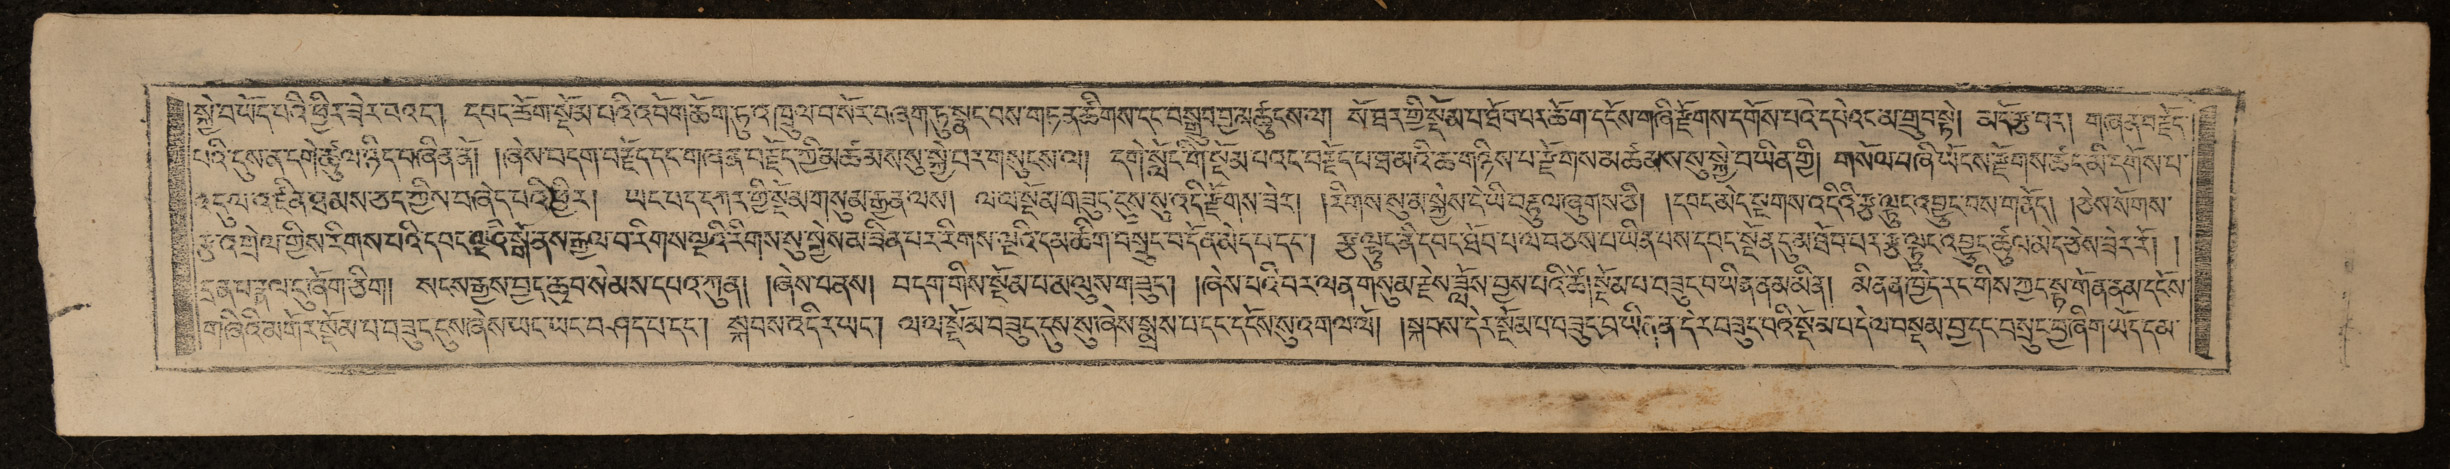སྐྱེ་བ་ཡོད་བའི་ཕྱིར་ཟེར་བའང་། དབང་ཆོག་སྡོམ་པའི་འབོག་ཆོག་ཏུ་འཁྲུལ་བ་སོར་བཞག་ཏུ་སྣང་བས་གཏན་ཚིགས་དང་བསྒྲུབ་བྱ་མཚུངས་ལ། སོ་ཐར་གྱི་སྡོམ་པ་ཐོབ་བར་ཆོ་ག་དངོས་གཞི་རྫོགས་དགོས་པའི་དཔེའང་མ་གྲུབ་སྟེ། མདོ་རྩ་བར། གཞན་བརྗོད་
པའི་དུས་ན་དགེ་ཚུལ་ཉིད་བཞིན་ནོ། །ཞེས་བདག་བརྗོད་དང་གཞན་བརྗོད་ཀྱི་མཚམས་སུ་སྐྱེ་བར་གསུངས་ལ། དགེ་སློང་གི་སྡོམ་པའང་བརྗོད་པ་ཐ་མའི་ཆ་གཉིས་པ་རྫོགས་མཚམས་སུ་སྐྱེ་བ་ཡིན་གྱི། གསོལ་བཞི་ཡོངས་རྫོགས་ཚང་མི་དགོས་པ་
འདུལ་འཛིན་ཐམས་ཅད་ཀྱིས་བཞེད་པའི་ཕྱིར། ཡང་པད་དཀར་གྱི་སྡོམ་གསུམ་རྒྱན་ལས། ལ་ལ་སྡོམ་གཟུང་དུས་སུ་འདི་རྫོགས་ཟེར། །རིགས་སུ་མ་སྐྱེས་དེ་ཡི་བརྟུལ་ཞུགས་ཅི། །དབང་མེད་སྔགས་འདིའི་རྩ་ལྟུང་འབྱུང་བས་གནོད། །ཅེས་སོགས་
རྩ་འགྲེལ་གྱིས་རིགས་བའི་དབང་ལྔའི་སྒོ་ནས་རྒྱལ་བ་རིགས་ལྔའི་རིགས་སུ་སྐྱེས་མ་ཟིན་བར་རིགས་ལྔའི་དམ་ཚིག་བསྲུང་བ་དོན་མེད་པ་དང་། རྩ་ལྟུང་ནི་དབང་ཐོབ་བ་ལ་བཅས་པ་ཡིན་པས་དབང་སྔོན་དུ་མ་ཐོབ་བར་རྩ་ལྟུང་འབྱུང་ཚུལ་མེད་ཅེས་ཟེར་རོ། །
དྲན་པ་རྣལ་དུ་ཞོག་ཅིག། སངས་རྒྱས་བྱང་ཆུབ་སེམས་དཔའ་ཀུན། །ཞེས་པ་ནས། བདག་གིས་སྡོམ་པ་མ་ལུས་གཟུང་། །ཞེས་བའི་བར་ལན་གསུམ་རྗེས་ཟློས་བྱས་པའི་ཚེ། སྡོམ་པ་བཟུང་བ་ཡིན་ནམ་མིན། མིན་ན་ཁྱད་རང་གིས་ཀྱང་སྟ་གོན་ནམ་དངོས་
གཞིའི་མགོར་སྡོམ་པ་བཟུང་དུས་ཞེས་ཡང་ཡང་བཤད་པ་དང་། སྐབས་འདིར་ཡང་། ལ་ལ་སྡོམ་བཟུང་དུས་སུ་ཞེས་སྨྲས་པ་དང་དངོས་སུ་འགལ་ལོ། །སྐབས་དོར་སྡོམ་པ་བཟུང་བ་ཡིན་ན་དེར་བཟུང་བའི་སྡོམ་པ་དེ་ལ་བསྡམ་བྱ་དབང་སྲུང་བྱ་ཞིག་ཡོད་དམ་